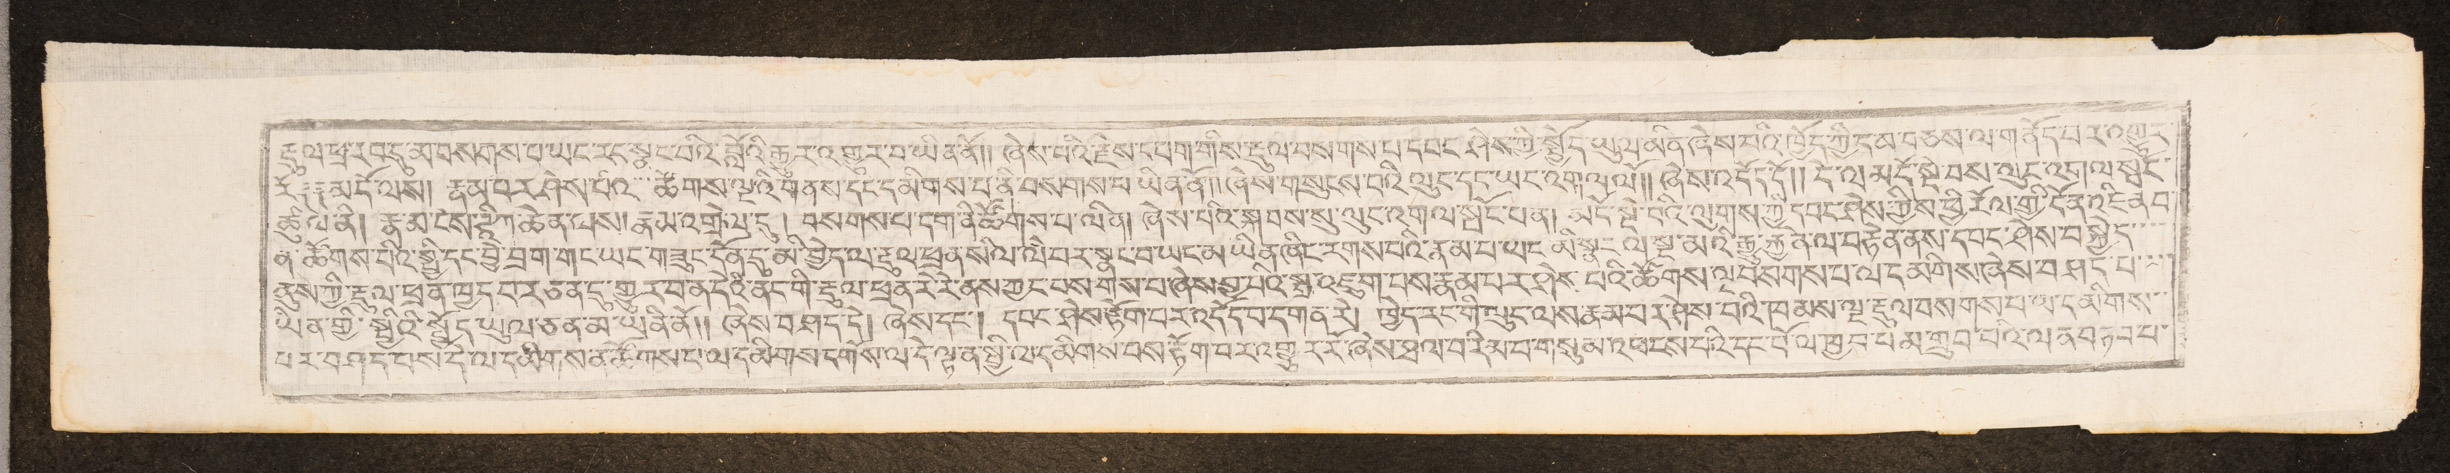རྡུལ་ཕྲ་རབ་དུ་མ་བསགས་པ་ཡང་རང་སྣང་བའི་བློའི་རྒྱུར་འགྱུར་བ་ཡིན་ནོ།། ཞེས་པའི་རྗེས་དཔག་གིས་རྡུལ་བསགས་པ་དབང་ཤེས་ཀྱི་སྤྱོད་ཡུལ་མིན་ཞེས་པའི་ཞེས་པའི་ཁྱོད་ཀྱི་དམ་བཅས་ལ་གནོད་བར་འགྱུར་
རོ༑༑མདོ་ལས། རྣམ་པར་ཤེས་པའི་ཚོགས་ལྔའི་གནས་དང་དམིགས་པ་ནི་བསགས་པ་ཡིན་ནོ།། ཞེས་གསུངས་པའི་ལུང་དང་ཡང་འགལ་ལོ།། ཞེས་འདོད་དོ།། དེ་ལ་མདོ་སྡེ་བས་ལུང་འགལ་སྤོང་
ཚུལ་ནི། རྣ་མ་ངེས་ཊཱིཀ་ཆེན་ལས། རྣམ་འགྲེལ་དུ། བསགས་པ་དག་ནི་ཚོགས་པ་ཡིན། ཞེས་པའི་སྐབས་སུ་ལུང་འགལ་སྤོང་བ་ན། མདོ་སྡེ་བའི་ལུགས་ཀྱི་དབང་ཤེས་ཀྱིས་ཕྱི་རོལ་གྱི་དོན་འཛིན་པ་
ན་ཚོགས་པའི་སྤྱི་དང་བྱེ་བྲག་གང་ཡང་གཟུང་དོན་དུ་མི་བྱེད་ལ་རྡུལ་ཕྲན་སིལ་ལེ་བར་སྣང་བ་ཡང་མ་ཡིན་ཞིང་རགས་པའི་རྣམ་པ་ཡང་མི་སྣང་ལ་སྔ་མའི་རྒྱུ་རྐྱེན་ལ་བརྟེན་ནས་དབང་ཤེས་བསྐྱེད་
ནུས་ཀྱི་རྡུལ་ཕྲན་ཁྱད་པར་ཅན་དུ་གྱུར་བ་ན་དེའི་ནང་གི་རྡུལ་ཕྲན་རེ་རེ་ནས་ཀྱང་བསགས་པ་ཞེས་བྱ་བའི་སྒྲ་འཇུག་པས་རྣམ་པར་ཤེས་པའི་ཚོགས་ལྔ་བསགས་པ་ལ་དམིགས་ཞེས་བཤད་པ་
ཡིན་གྱི་སྤྱིའི་སྤྱིད་ཡུལ་ཅན་མ་ཡིན་ནོ།། ཞེས་བཤད་དེ། ཞེས་དང་། དབང་ཤེས་རྟོག་པར་འདོད་པ་དག་ན་རེ། ཁྱེད་རང་གི་ལུང་ལས་རྣམ་པར་ཤེས་པའི་ཁམས་ལྔ་རྡུལ་བསགས་པ་ལ་དམིགས་
པར་བཤད་པས་དེ་ལ་དམིགས་ན་ཚོགས་པ་ལ་དམིགས་དགོས་ལ་དེ་ལྟ་ན་སྤྱི་ལ་དམིགས་པས་རྟོག་པར་འགྱུར་རོ་ཞེས་ཐལ་བ་རིམ་པ་གསུམ་འཕངས་པའི་དང་བོ་ལ་ཁྱབ་པ་མ་གྲུབ་པའི་ལན་བཏབ་པ་